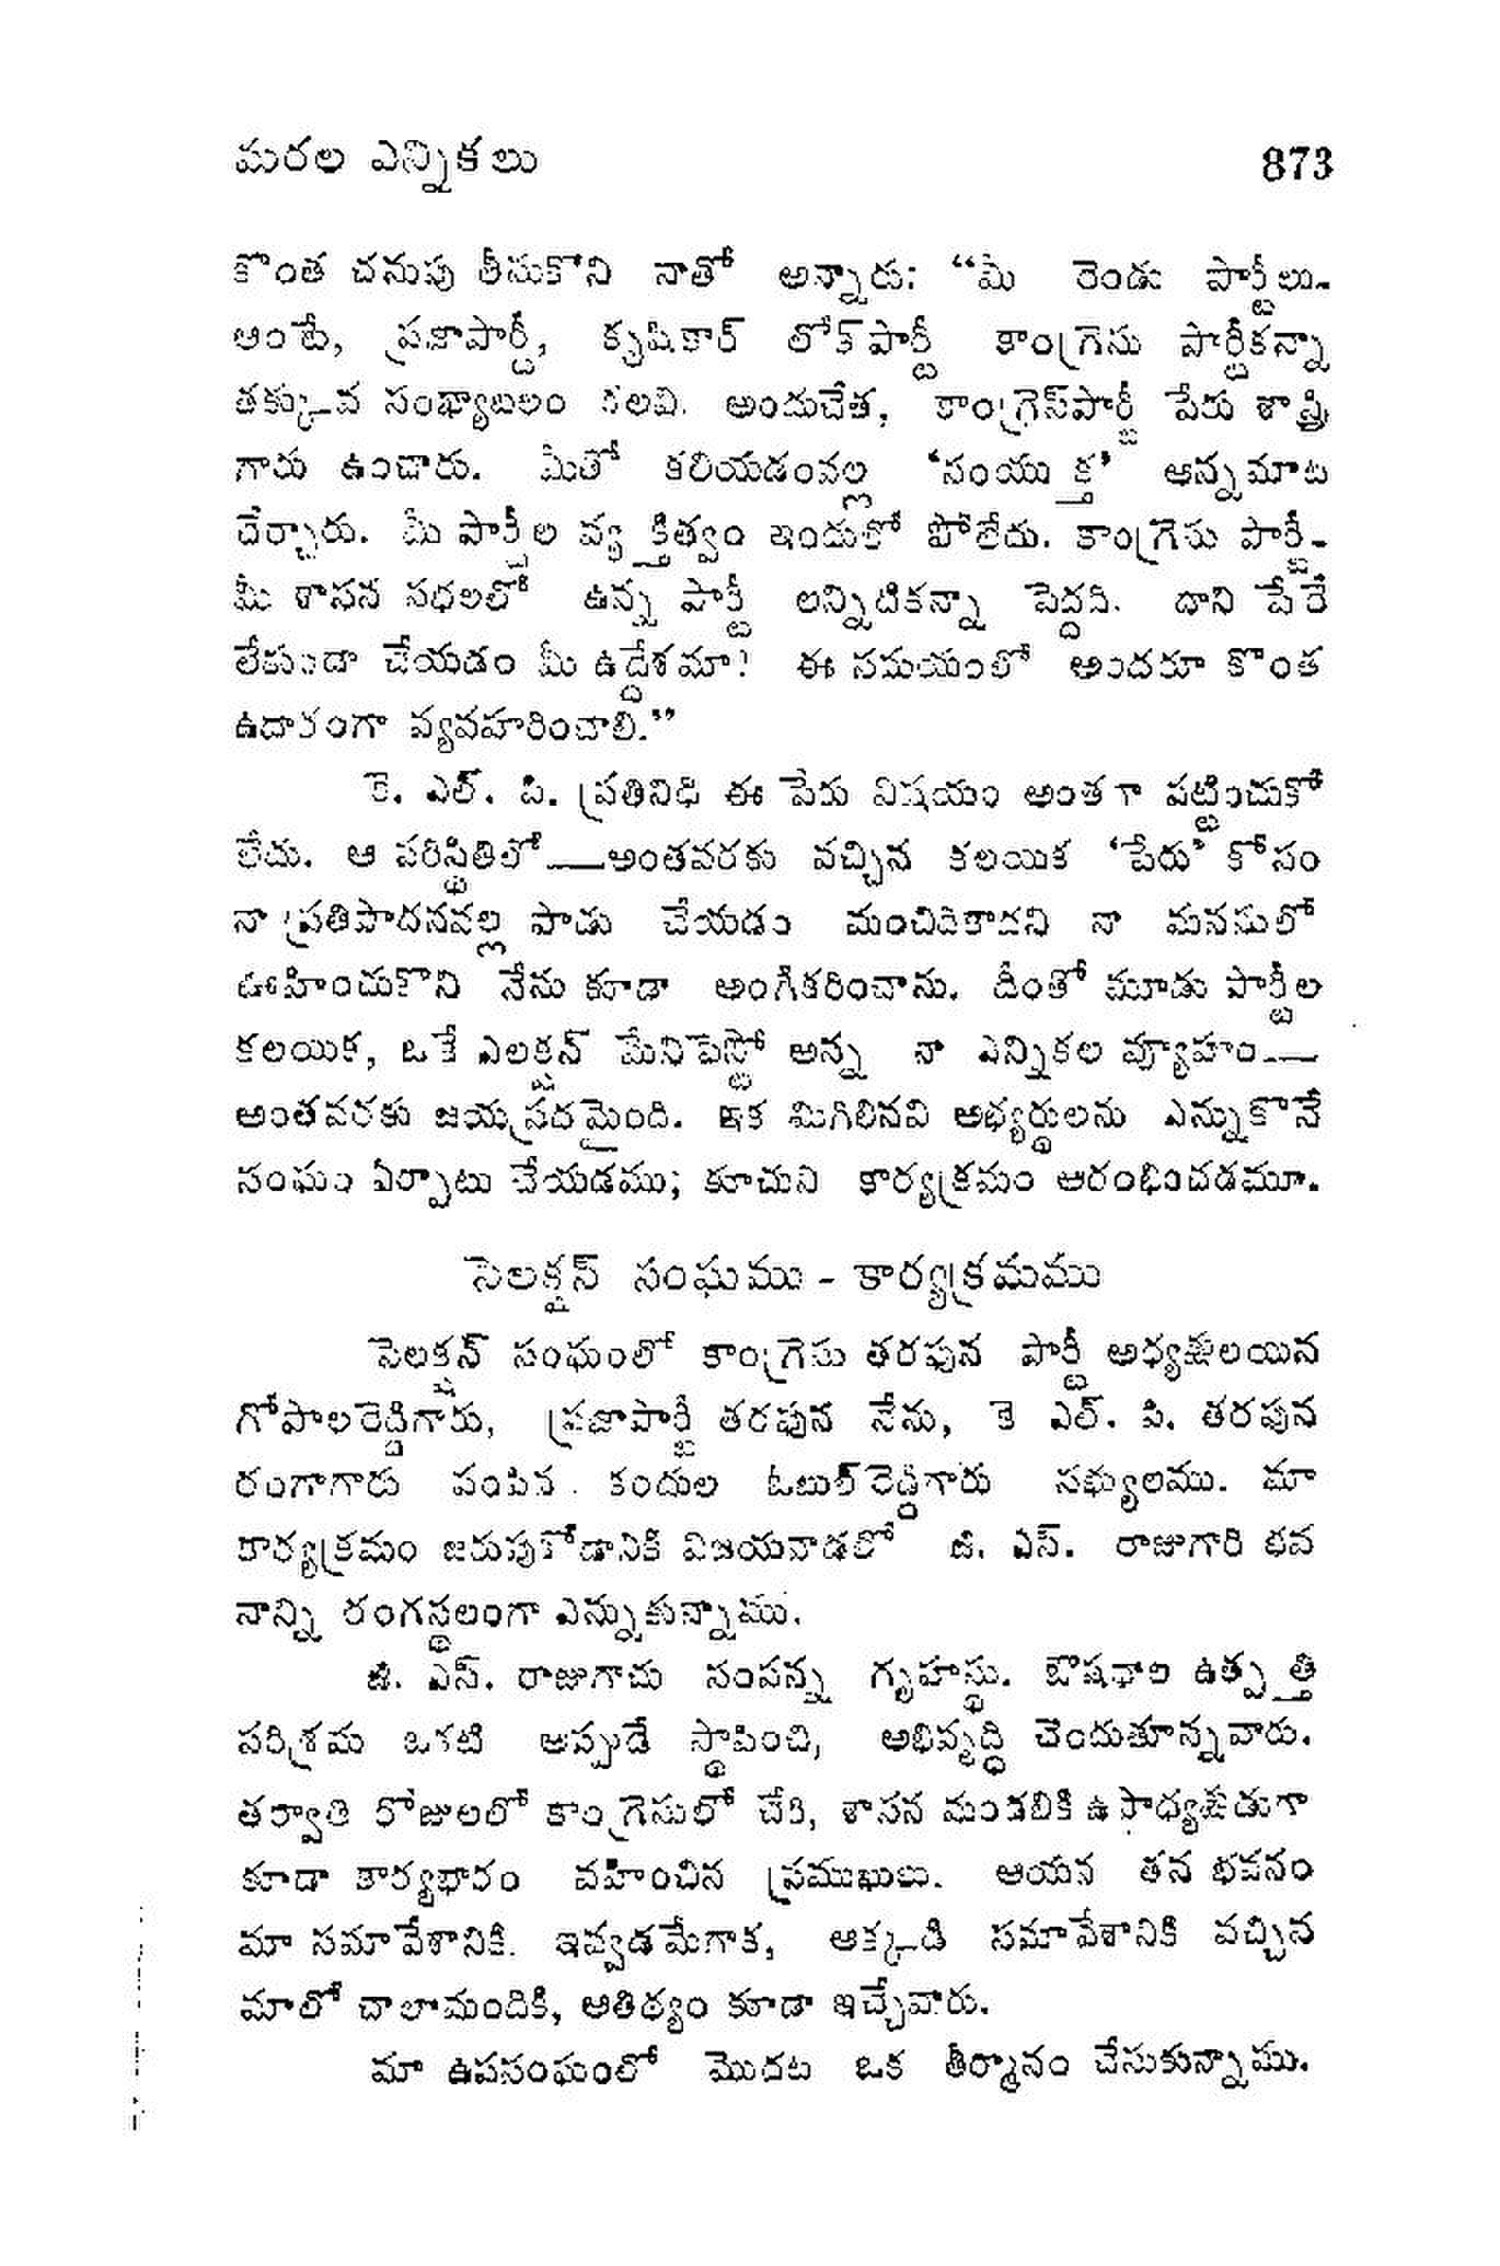కొంత చనువు తీసుకొని నాతో అన్నారు: "మీ రెండు పార్టీలు - అంటే, ప్రజాపార్టీ, కృషికార్ లోక్‌పార్టీ కాంగ్రెసు పార్టీకన్నా తక్కువ సంఖ్యాబలం గలవి. అందుచేత, కాంగ్రెస్‌పార్టీ పేరు శాస్త్రిగారు ఉంచారు. మీతో కలియడంవల్ల 'సంయుక్త' అన్నమాట చేర్చారు. మీ పార్టీల వ్యక్తిత్వం ఇందులో పోలేదు, కాంగ్రెసు పార్టీ - మీ శాసన సభలలో ఉన్న పార్టీ అన్నిటికన్నా పెద్దది. దాని పేరే లేకుండా చేయడం మీ ఉద్దేశమా? ఈ సమయంలో అందరూ కొంత ఉదారంగా వ్యవహరించాలి."

కె. ఎల్. పి. ప్రతినిధి ఈ పేరు విషయం అంతగా పట్టించుకోలేదు. ఆ పరిస్థితిలో - అంతవరకు వచ్చిన కలయిక 'పేరు' కోసం నా ప్రతిపాదనవల్ల పాడు చేయడం మంచిదికాదని నా మనసులో ఊహించుకొని నేను కూడా అంగీకరించాను. దీంతో మూడు పార్టీల కలయిక, ఒకే ఎలక్షన్ మేనిపెస్టో అన్న నా ఎన్నికల వ్యూహం - అంతవరకు జయప్రదమైంది. ఇక మిగిలినవి అభ్యర్థులను ఎన్నుకొనే సంఘం ఏర్పాటు చేయడము; కూచుని కార్యక్రమం ఆరంభించడమూ,

సెలక్షన్ సంఘంలో కాంగ్రెసు తరపున పార్టీ అధ్యక్షులయిన గోపాలరెడ్డిగారు, ప్రజాపార్టీ తరపున నేను, కె. ఎల్. పి. తరపున రంగాగారు పంపిన కందుల ఓబుల్‌రెడ్డిగారు సభ్యులము. మా కార్యక్రమం జరుపుకోడానికి విజయవాడలో జి. ఎస్. రాజుగారి భవనాన్ని రంగస్థలంగా ఎన్నుకున్నాము.

జి. ఎస్. రాజుగారు సంపన్న గృహస్థు. ఔషధాల ఉత్పత్తి పరిశ్రమ ఒకటి అప్పుడే స్థాపించి, అభివృద్ధి చెందుతూన్నవారు. తర్వాతి రోజులలో కాంగ్రెసులో చేరి, శాసన మండలికి ఉపాధ్యక్షుడుగా కూడా కార్యభారం వహించిన ప్రముఖులు. ఆయన తన భవనం మా సమావేశానికి ఇవ్వడమేగాక, అక్కడి సమావేశానికి వచ్చిన మాలో చాలామందికి, ఆతిథ్యం కూడా ఇచ్చేవారు.

మా ఉపసంఘంలో మొదట ఒక తీర్మానం చేసుకున్నాము.